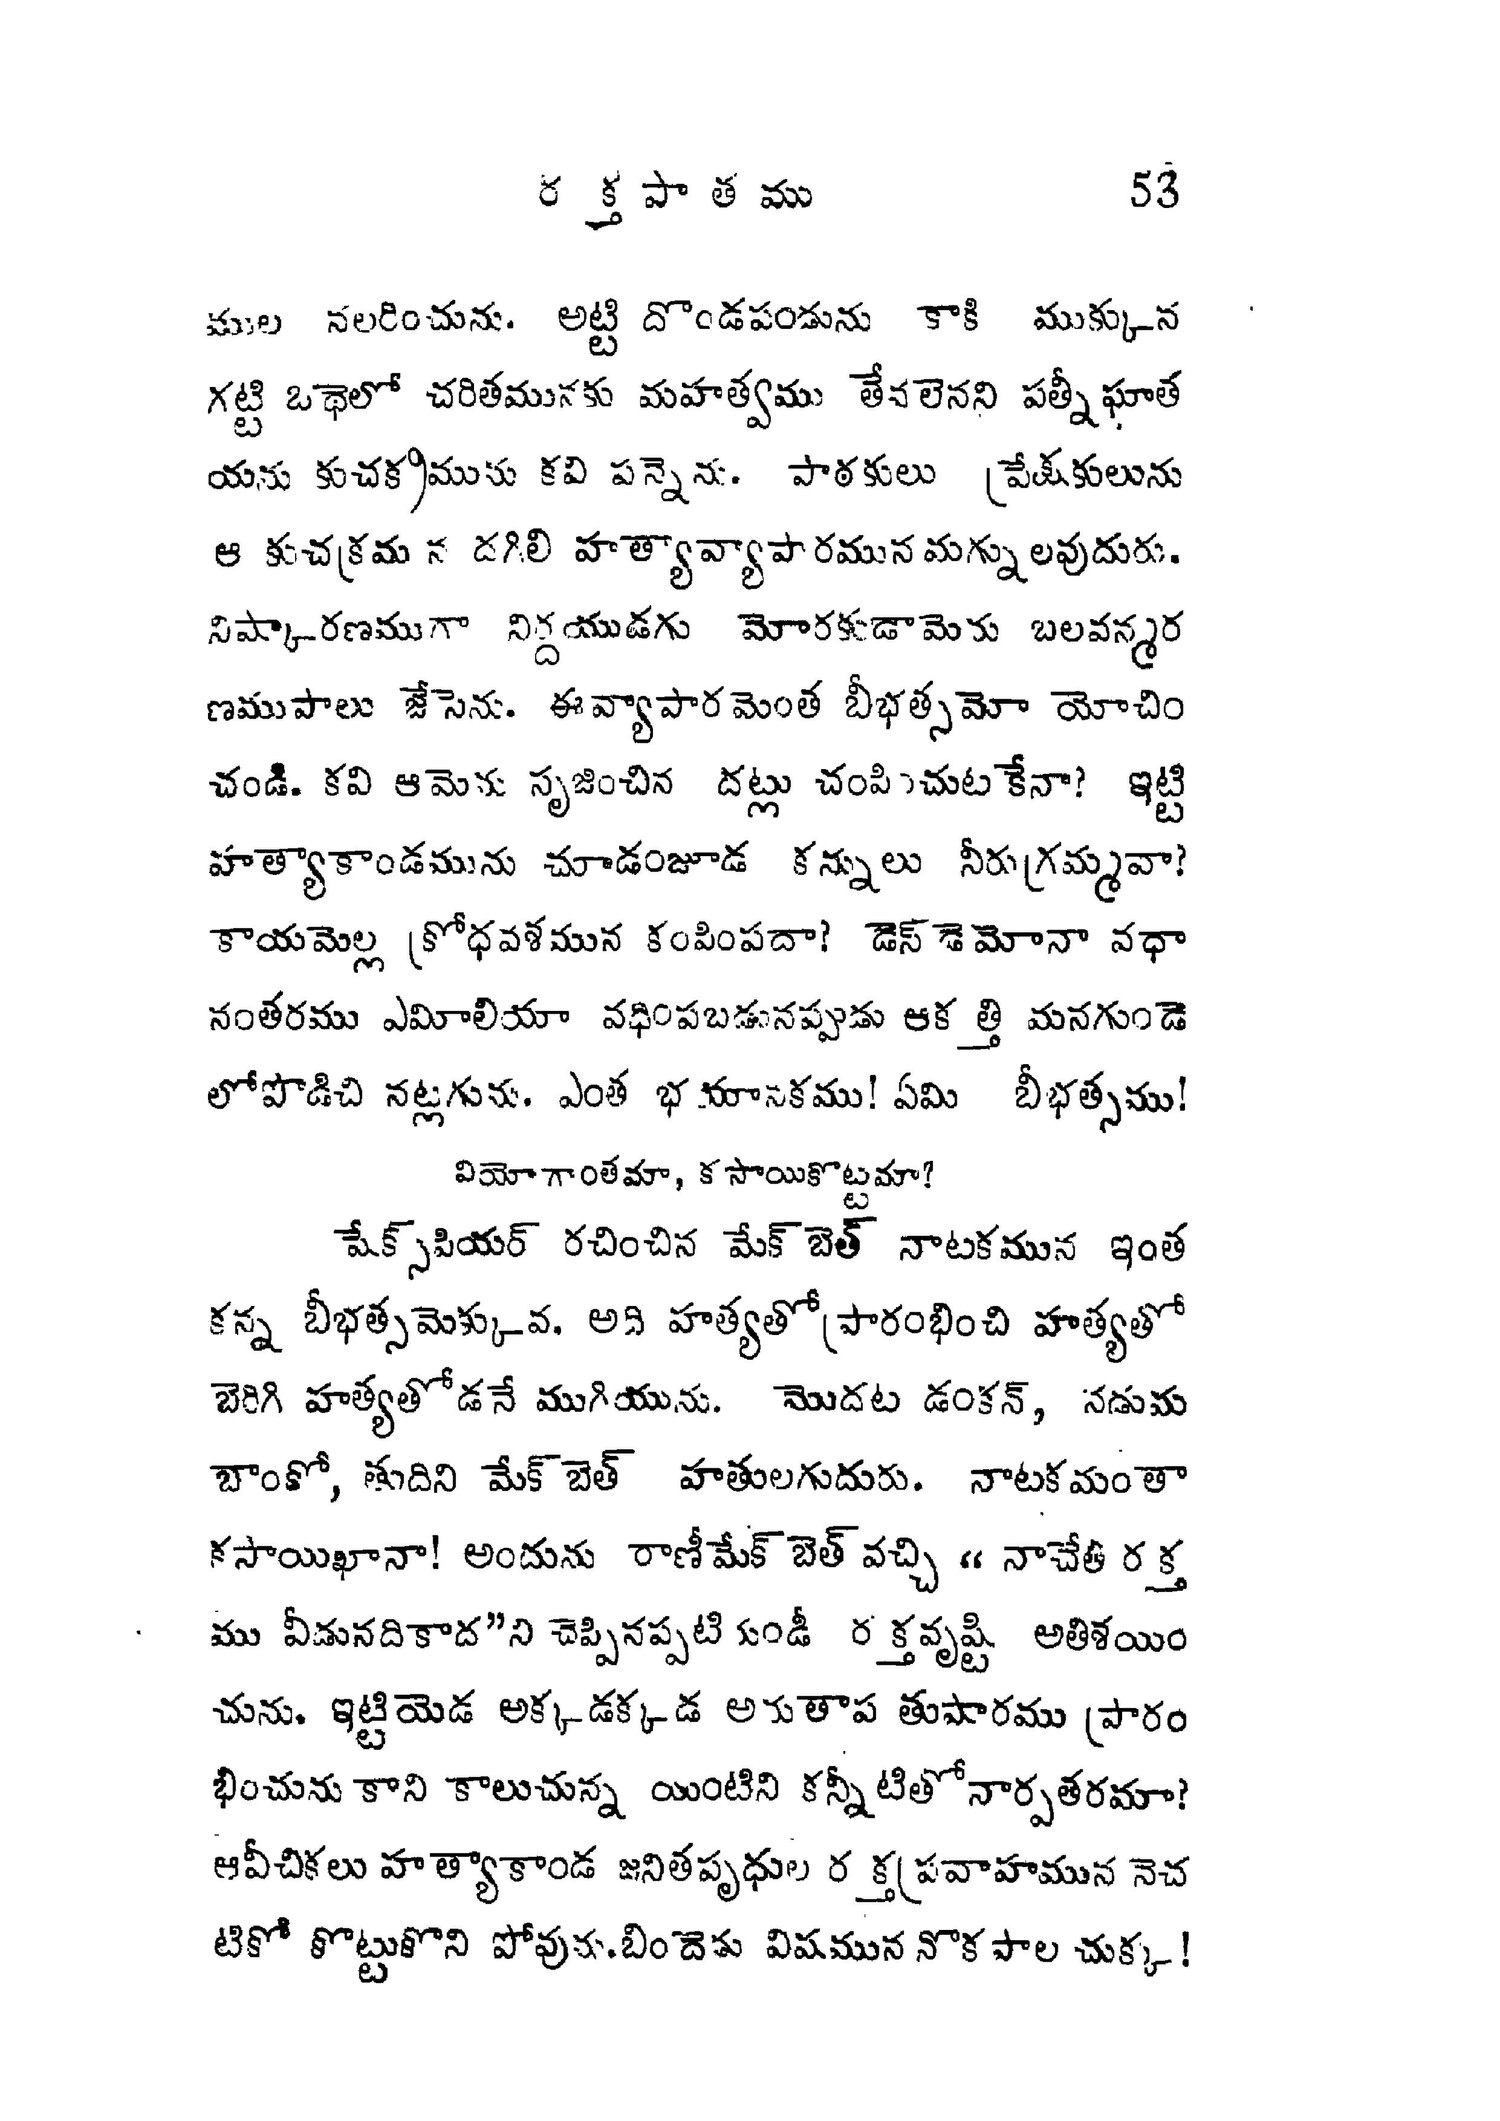ముల నలరించును. అట్టి దొండపండును కాకి ముక్కున గట్టి ఒథెలో చరితమునకు మహత్వము తేవలెనని పత్నీఘాత యను కుచక్రమును కవి పన్నెను. పాఠకులు ప్రేక్షకులును ఆ కుచక్రమున దగిలి హత్యావ్యాపారమున మగ్నులవుదురు. నిష్కారణముగా నిర్దయుడగు మోరకుడామెను బలవన్మరణముపాలు జేసెను. ఈవ్యాపారమెంత బీభత్సమో యోచించండి. కవి ఆమెను సృజించిన దట్లు చంపించుట కేనా? ఇట్టి హత్యాకాండమును చూడంజూడ కన్నులు నీరుగ్రమ్మవా? కాయమెల్ల క్రోధవశమున కంపింపదా? డెస్‌డెమోనా వధా నంతరము ఎమీలియా వధింపబడునప్పుడు ఆకత్తి మనగుండెలోపొడిచి నట్లగును. ఎంత భయానకము! ఏమి బీభత్సము!

షేక్స్‌పియర్ రచించిన మేక్‌బెత్ నాటకమున ఇంతకన్న బీభత్సమెక్కువ. అది హత్యతో ప్రారంభించి హత్యతో బెరిగి హత్యతోడనే ముగియును. మొదట డంకన్, నడుమ బాంకో, తుదిని మేక్‌బెత్ హతులగుదురు. నాటకమంతా కసాయిఖానా! అందును రాణీమేక్‌బెత్‌వచ్చి "నాచేతి రక్తము వీడునదికాద"ని చెప్పినప్పటినుండి రక్తవృష్టి అతిశయించును. ఇట్టియెడ అక్కడక్కడ అనుతాప తుషారము ప్రారంభించునుకాని కాలుచున్న యింటిని కన్నీటితో నార్పతరమా? ఆవీచికలు హత్యాకాండ జనితపృధుల రక్తప్రవాహమున నెచటికో కొట్టుకొని పోవును. బిందెడు విషమున నొకపాల చుక్క!